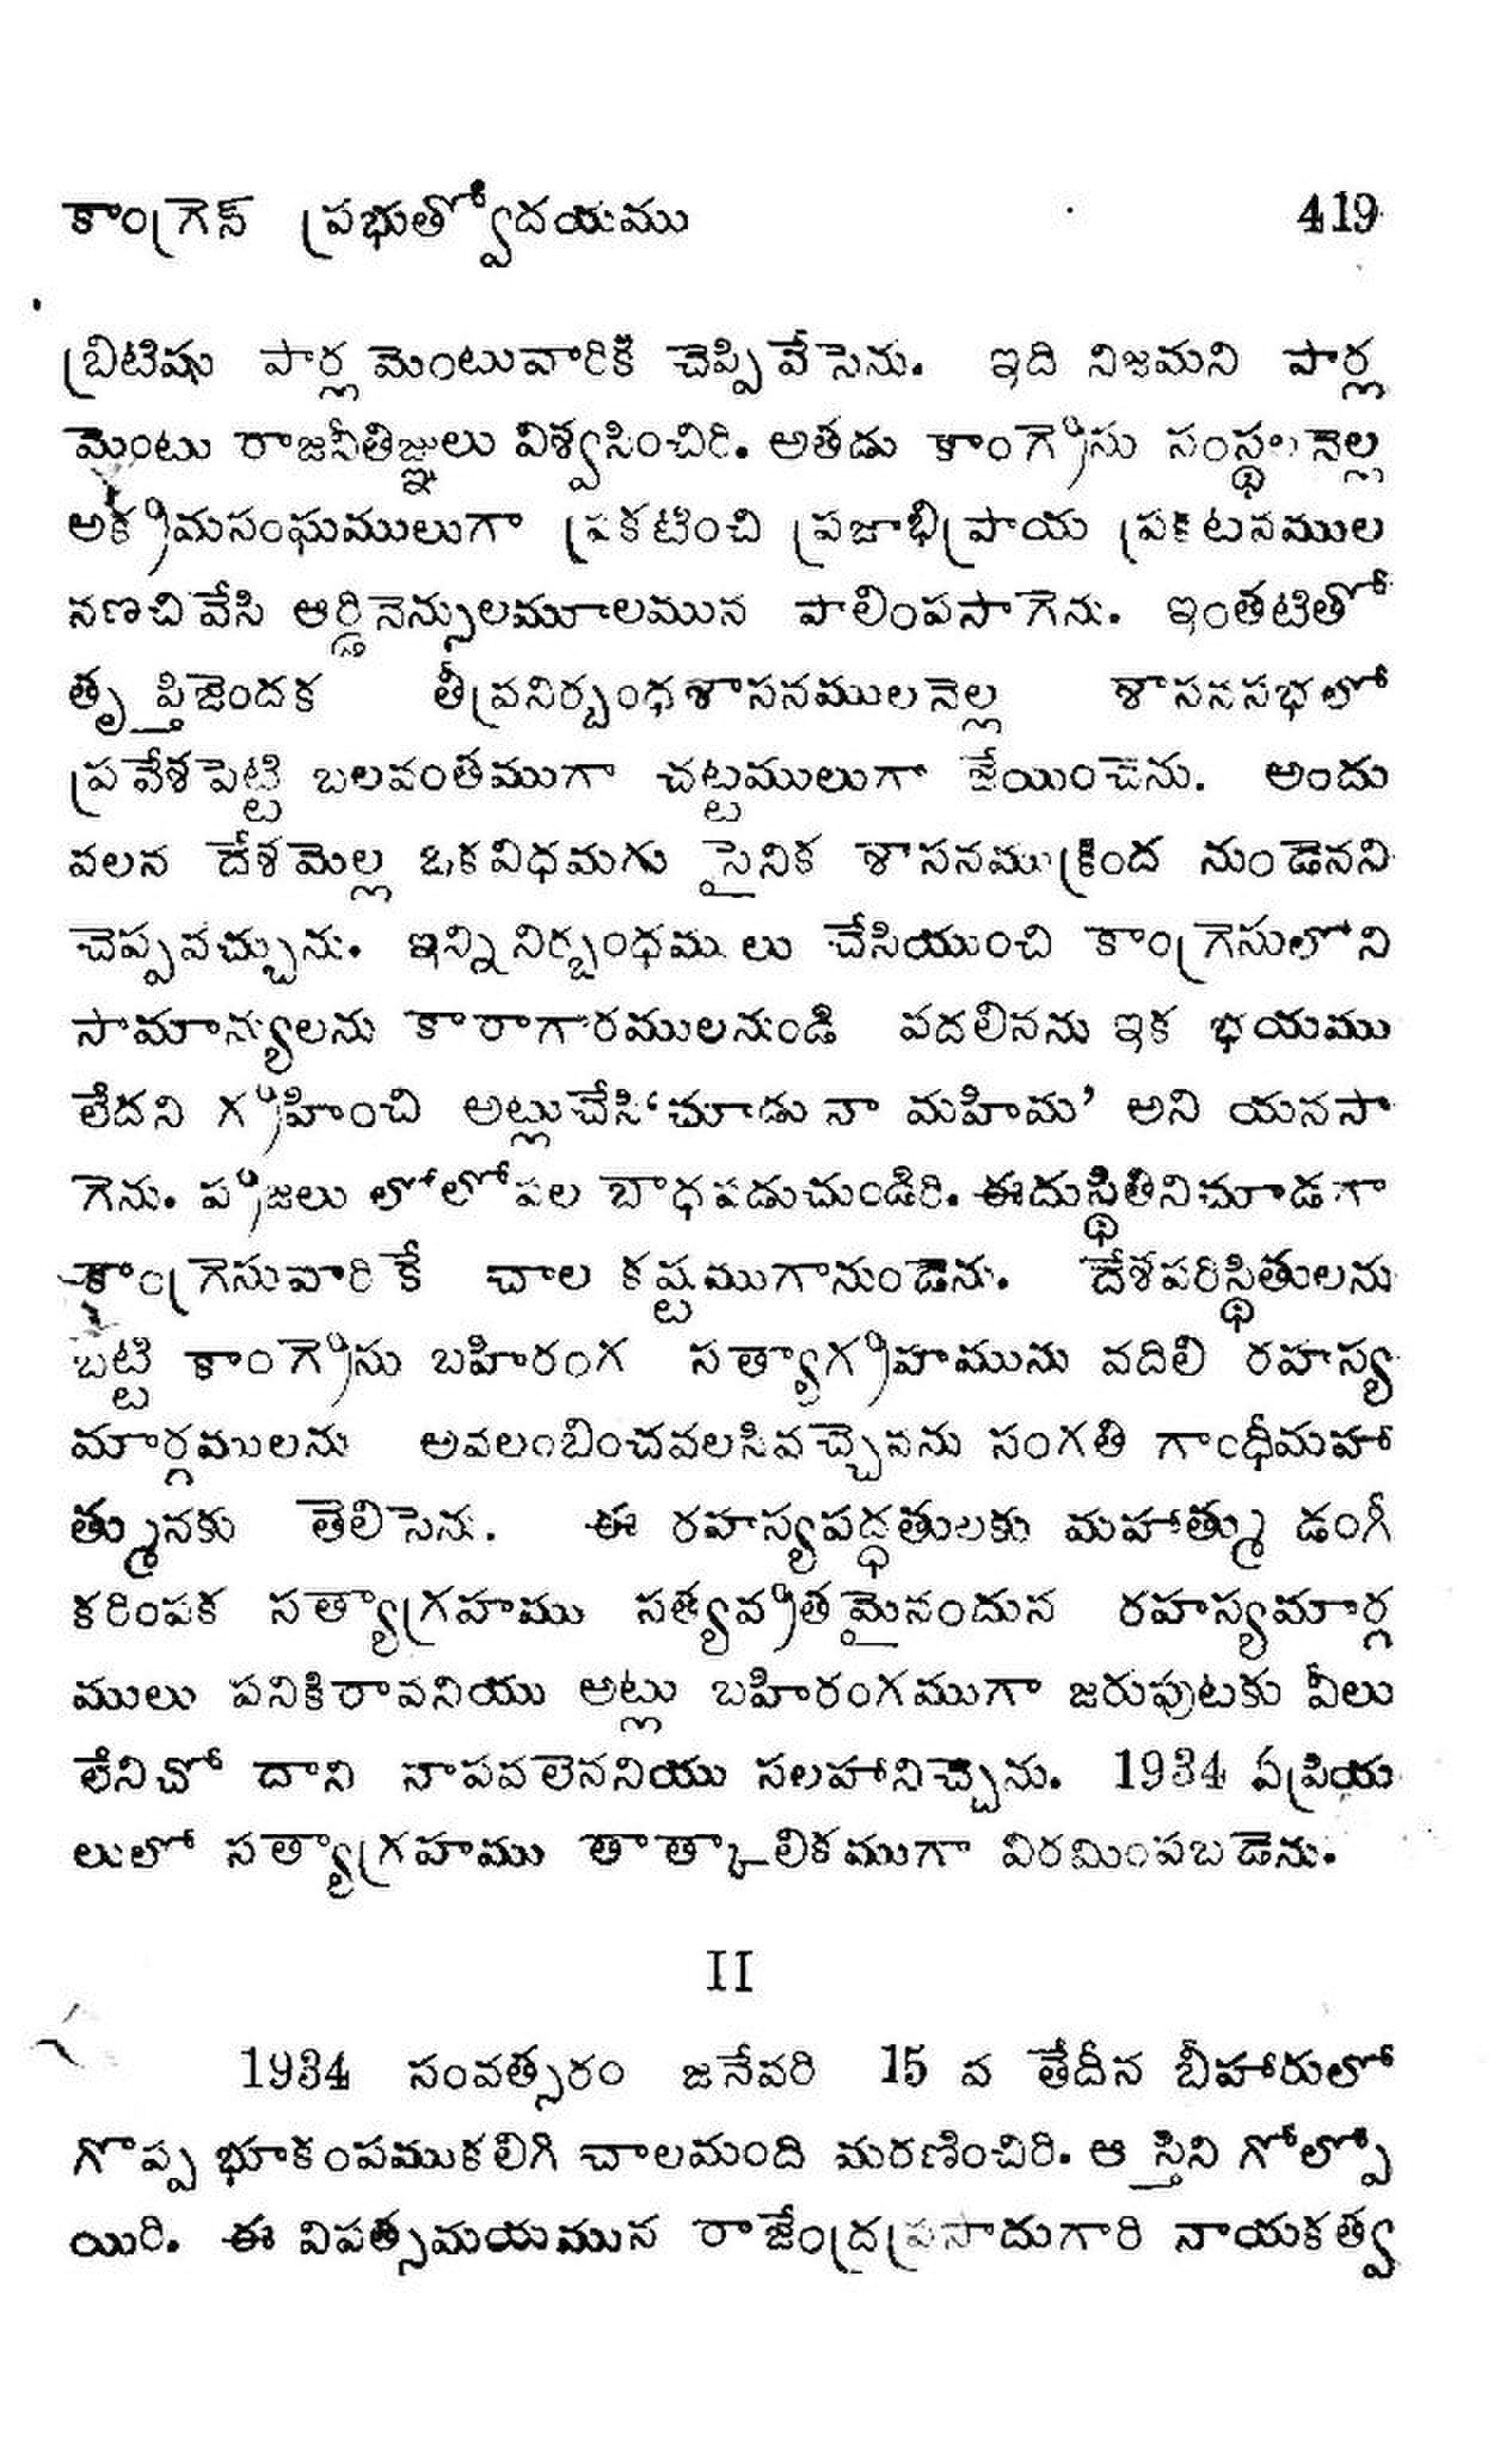బ్రిటిషు పార్లమెంటువారికి చెప్పివేసెను. ఇది నిజమని పార్లమెంటు రాజనీతిజ్ఞులు విశ్వసించిరి. అతడు కాంగ్రెసు సంస్థలనెల్ల అక్రమసంఘములుగా ప్రకటించి ప్రజాభిప్రాయ ప్రకటనముల నణచివేసి ఆర్డినెన్సులమూలమున పాలింపసాగెను. ఇంతటితో తృప్తిజెందక తీవ్రనిర్బంధశాసనములనెల్ల శాసనసభలో ప్రవేశపెట్టి బలవంతముగా చట్టములుగా జేయించెను. అందువలన దేశమెల్ల ఒకవిధమగు సైనిక శాసనముక్రింద నుండెనని చెప్పవచ్చును. ఇన్నినిర్బంధములు చేసియుంచి కాంగ్రెసులోని సామాన్యులను కారాగారములనుండి వదలినను ఇక భయములేదని గ్రహించి అట్లుచేసి 'చూడు నా మహిమ' అని యనసాగెను. ప్రజలు లోలోపల బాధపడుచుండిరి. ఈ దుస్థితినిచూడగా కాంగ్రెసువారికే చాల కష్టముగానుండెను. దేశపరిస్థితులను బట్టి కాంగ్రెసు బహిరంగ సత్యాగ్రహమును వదిలి రహస్య మార్గములను అవలంబించవలసివచ్చెనను సంగతి గాంధీమహాత్మునకు తెలిసెను. ఈ రహస్యపద్ధతులకు మహాత్ము డంగీకరింపక సత్యాగ్రహము సత్యవ్రతమైనందున రహస్యమార్గములు పనికిరావనియు అట్లు బహిరంగముగా జరుపుటకు వీలులేనిచో దాని నాపవలెననియు సలహానిచ్చెను. 1934 ఏప్రియలులో సత్యాగ్రహము తాత్కాలికముగా విరమింపబడెను.

II

1934 సంవత్సరం జనేవరి 15 వ తేదీన బీహారులో గొప్ప భూకంపముకలిగి చాలమంది మరణించిరి. ఆస్తిని గోల్పోయిరి. ఈ విపత్సమయమున రాజేంద్రప్రసాదుగారి నాయకత్వ